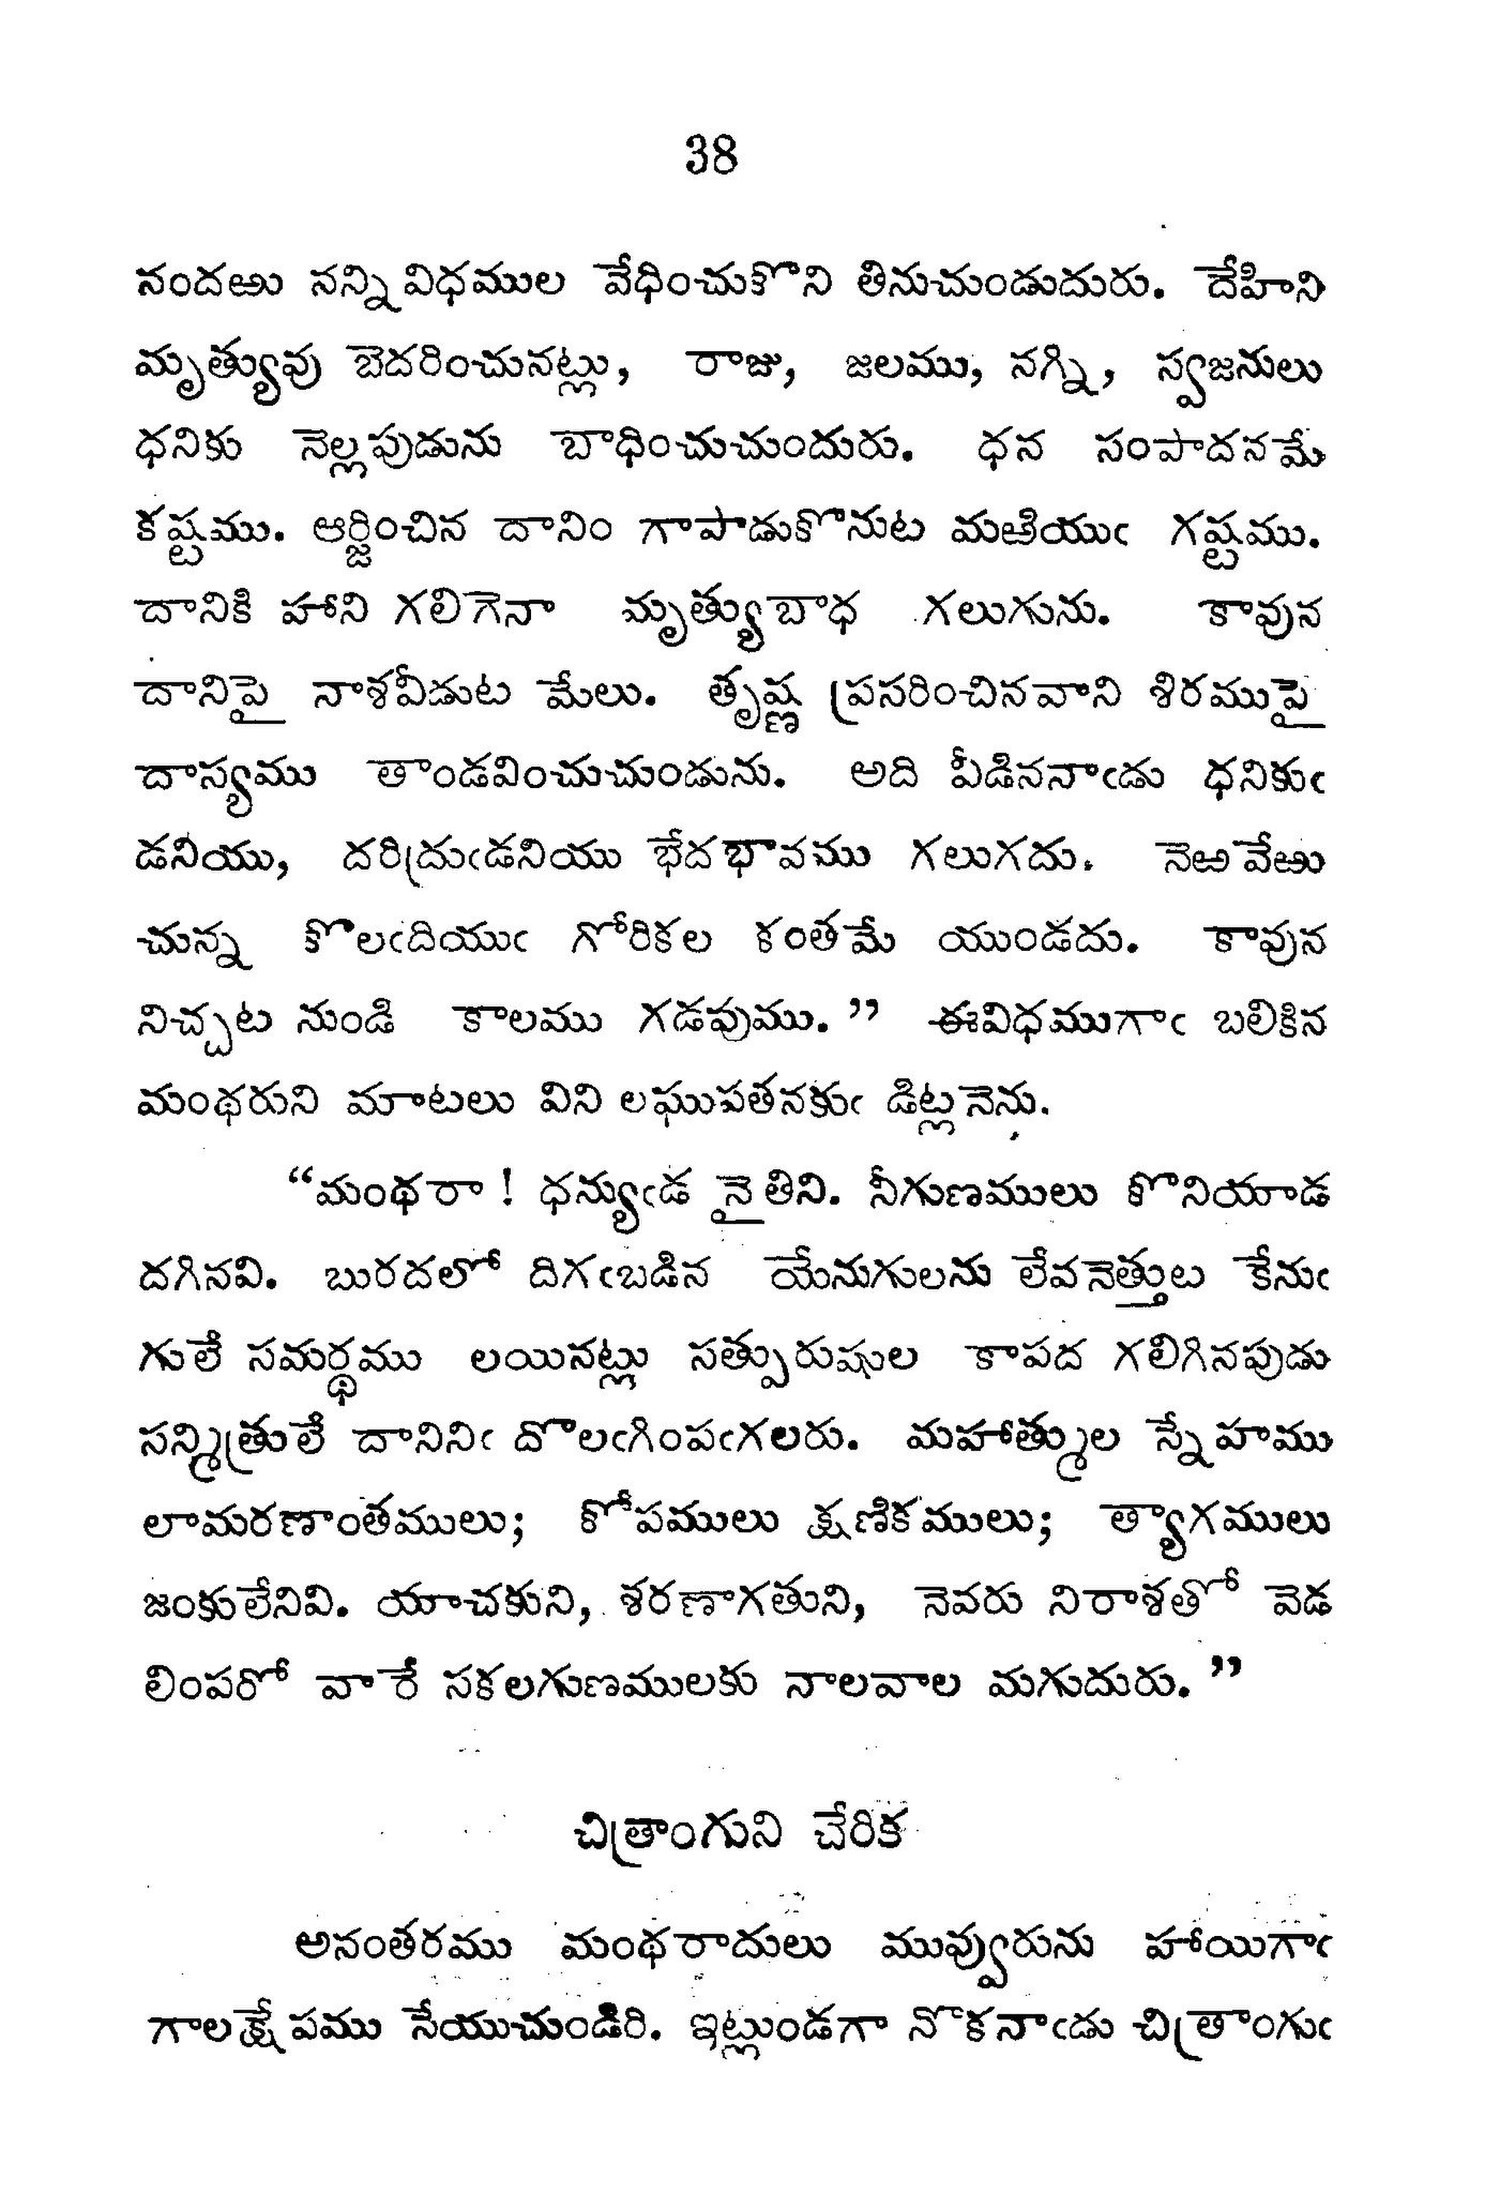నందఱు నన్నివిధముల వేధించుకొని తినుచుండుదురు. దేహిని మృత్యువు బెదరించునట్లు, రాజు, జలము, నగ్ని, స్వజనులు ధనికు నెల్లపుడును బాధించుచుందురు. ధన సంపాదనమే కష్టము. ఆర్జించిన దానిం గాపాడుకొనుట మఱియు గష్టము. దానికి హాని గలిగెనా మృత్యుబాధ గలుగును. కావున దానిపై నాశవీడుట మేలు. తృష్ణ ప్రసరించినవాని శిరముపై దాస్యము తాండవించుచుండును. అది వీడిననాడు ధనికుడనియు, దరిద్రుడనియు భేదభావము గలుగదు. నెఱవేఱుచున్న కొలదియు గోరికల కంతమే యుండదు. కావున నిచ్చట నుండి కాలము గడపుము." ఈవిధముగా బలికిన మంథరుని మాటలు విని లఘుపతనకు డిట్లెనెను.

"మంథరా! ధన్యుడ నైతిని. నీగుణములు కొనియాడ దగినవి. బురదలో దిగబడిన యేనుగులను లేవనెత్తుట కేనుగులే సమర్థము లయినట్లు సత్పురుషుల కాపద గలిగినపుడు సన్మిత్రులే దానిని దొలగింపగలరు. మహాత్ముల స్నేహము లామరణాంతములు: కోపములు క్షణికములు; త్యాగములు జంకులేనివి. యాచకుని, శరణాగతుని, నెవరు నిరాశతో వెడలింపరో వారే సకలగుణములకు నాలవాల మగుదురు." 

అనంతరము మంథరాదులు మువ్వురును హాయిగా గాలక్షేపము సేయుచుండిరి. ఇట్లుండగా నొకనాడు చిత్రాంగు